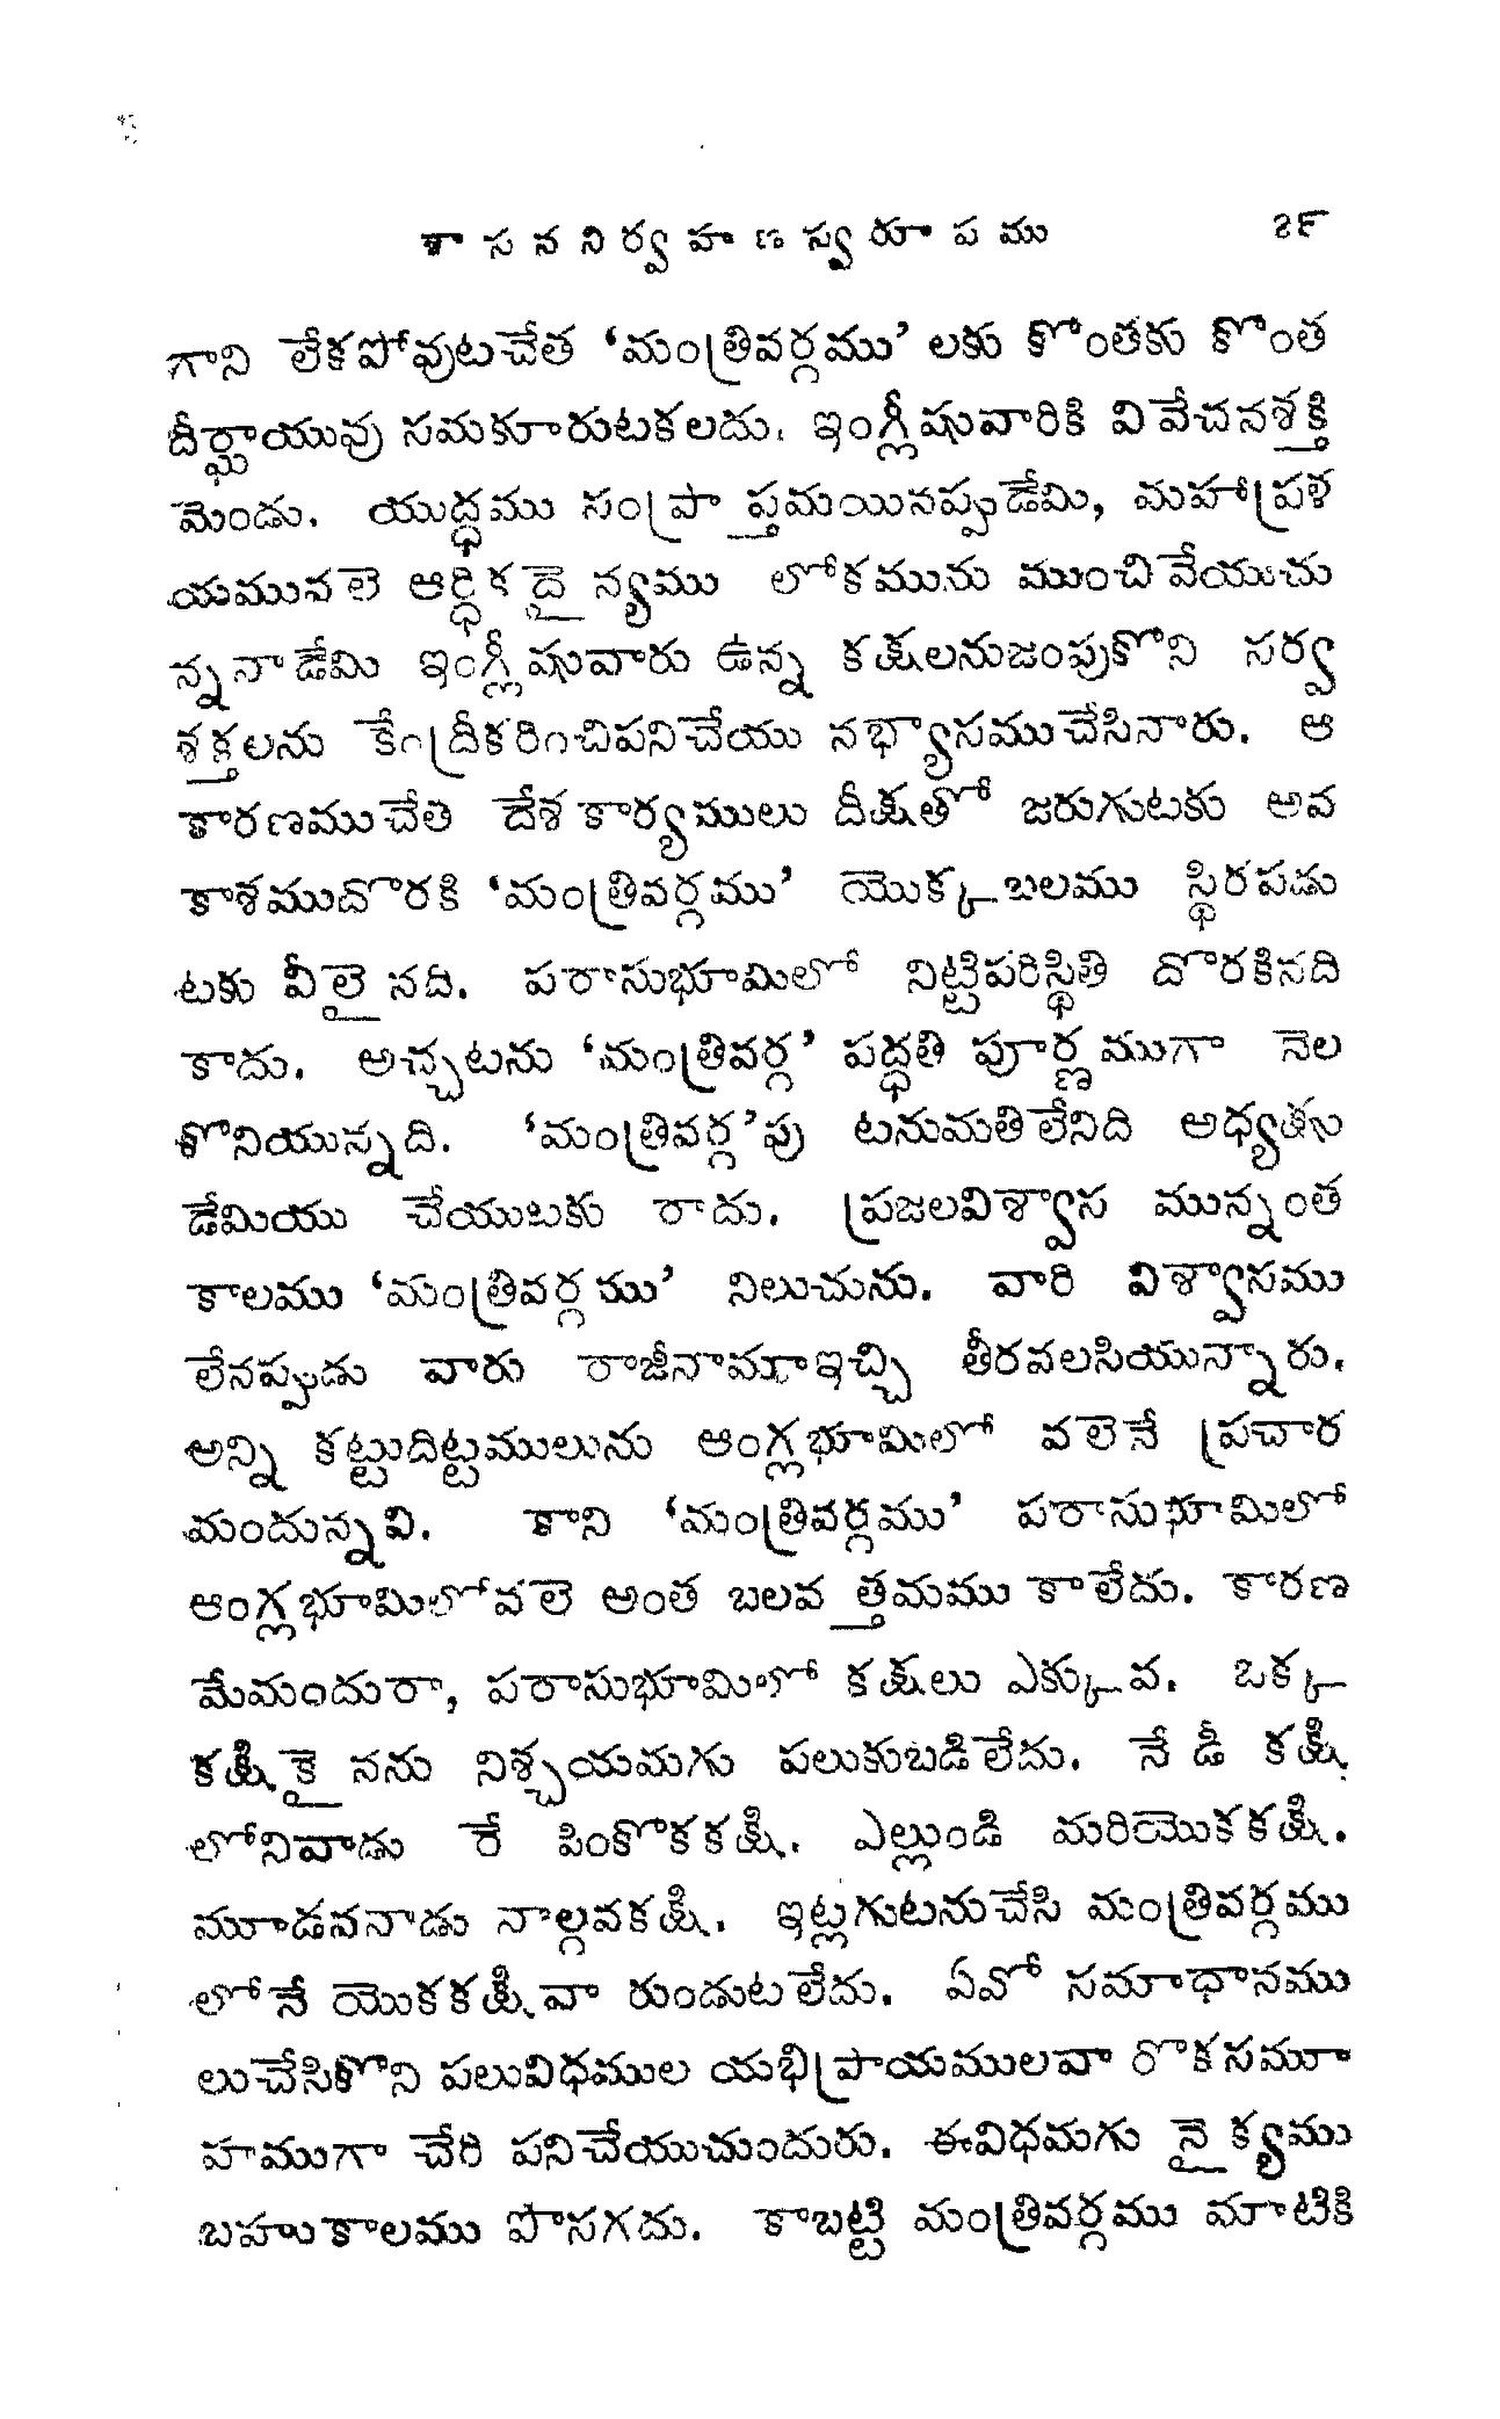గాని లేకపోవుటచేత 'మంత్రివర్గము' లకు కొంతకు కొంత దీర్ఘాయువు సమకూరుటకలదు. ఇంగ్లీషువారికి వివేచనశక్తి మెండు. యుద్ధము సంప్రాప్తమయినప్పుడేమి, మహాప్రళయమువలె ఆర్ధిక దైన్యము లోకమును ముంచివేయుచున్ననాడేమి ఇంగ్లీషువారు ఉన్న కక్షలనుజంపుకొని సర్వ
శక్తలను కేంద్రీకరించిపనిచేయు నభ్యాసముచేసినారు. ఆ కారణముచేత దేశ కార్యములు దీక్షతో జరుగుటకు అవకాశముదొరకి 'మంత్రివర్గము' యొక్క బలము స్థిరపడుటకు వీలైనది. పరాసుభూమిలో నిట్టిపరిస్థితి దొరకినది కాదు. అచ్చటను 'మంత్రివర్గ ' పద్ధతి పూర్ణముగా నెలకొనియున్నది. 'మంత్రివర్గ' పు టనుమతిలేనిది అధ్యక్షు డేమియు చేయుటకు రాదు. ప్రజలవిశ్వాస మున్నంత కాలము 'మంత్రివర్గము' నిలుచును. వారి విశ్వాసము లేనప్పుడు వారు రాజీనామాఇచ్చి తీరవలసియున్నారు. అన్ని కట్టుదిట్టములును ఆంగ్లభూమీలో వలెనే ప్రచారమందున్నవి. కాని 'మంత్రివర్గము' పరాసుభూమిలో ఆంగ్లభూమిలోవలె అంత బలవత్తమము కాలేదు. కారణ
మేమందురా, పరాసుభూమిలో కక్షులు ఎక్కువ. ఒక్క కక్షి,కైనను నిశ్చయమగు పలుకుబడిలేదు. నేడీ కక్షిలోనివాడు రే పింకొకకక్షి, ఎల్లుండి మరియొకకక్షి. మూడవనాడు నాల్గవకక్షి, ఇట్లగుటనుచేసి మంత్రివర్గములోనే యొకకక్షివా రుండుటలేదు. ఏవో సమాధానములుచేసికొని పలువిధముల యభిప్రాయములవా రొకసమూహముగా చేరి పనిచేయుచుందురు. ఈవిధమగు నైక్యము
బహుకాలము పొసగదు. కాబట్టి మంత్రివర్గము మాటికి